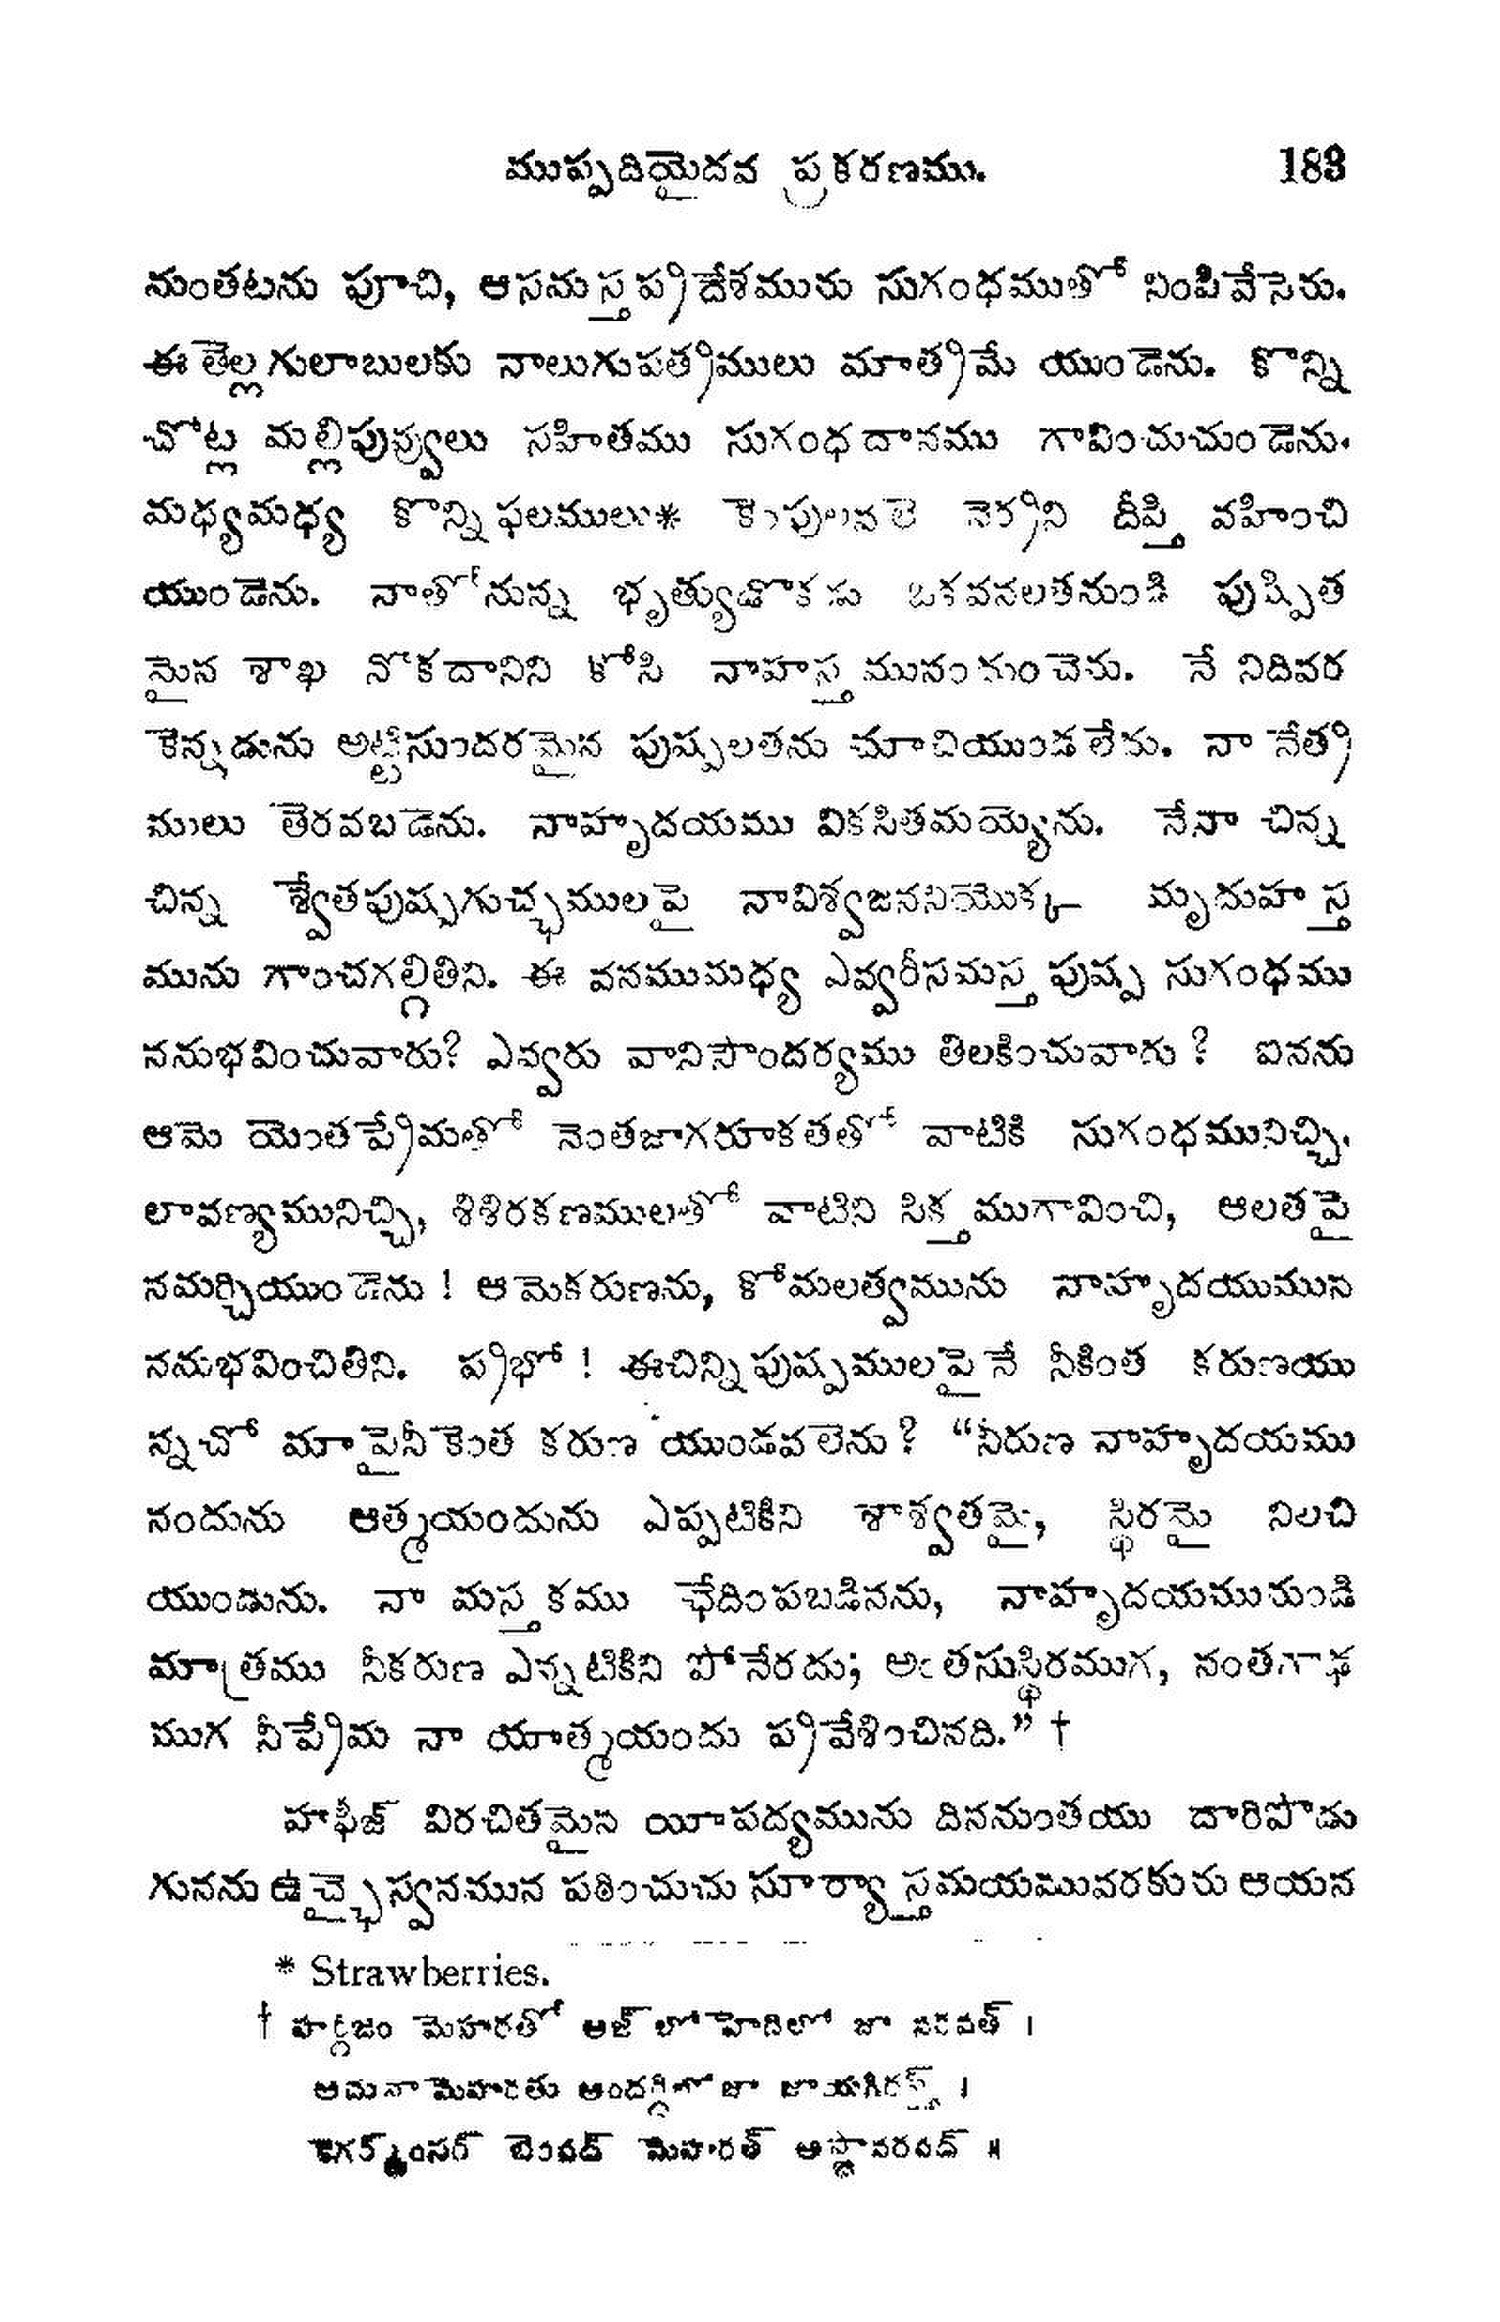.
నుంతటను పూచి, ఆ సమస్త ప్రదేశమును సుగంధముతో నింపి వేసేను.
ఈ తెల్ల గులాబులకు నాలుగు పత్రములు మాత్రమే యుండెను. కొన్ని
చోట్ల మల్లి పువ్వులు సహితము సుగంధ దానము గావించుచుండెను.
మధ్య మధ్య కొన్ని ఫలములు * కెంపువలె నెర్రని దీప్తి వహించి
యుండెను. నాతో నున్న భృత్యుడొకడు ఒక వనలత నుండి పుష్పిత
మైన శాఖ నొకదానిని కోసి నాహస్తము నందుంచెను. నే నిదివర
కేన్నడును అట్టి సుందరమైన పుష్పలతను చూచియుండ లేను. నా 
"నేత్రములు తెరవబడెను. నాహృదయము వికసితమయ్యెను.నేనా చిన్న
చిన్న శ్వేత పుష్పగుచ్ఛముల పై నావిశ్వజనని యొక్క మృదుహస్త
మును గాంచగల్గితిని. ఈ వనము మధ్య ఎవ్వరీ సమస్త పుష్ప సుగంధము
ననుభవించువారు? ఎవ్వరు వాని సౌందర్యము తిలకించువారు? ఐనను
ఆమె యెత ప్రేమతో నెంత జాగరూకతతో వాటికి సుగంధమునిచ్చి,
లావణ్య మునిచ్చి, శిశిరకణములతో వాటిని సిక్తముగావించి, ఆలతపై
నమర్చియుం డెను ! ఆమె కరుణను, కోమలత్వమును నాహృదయుమున
ననుభవించితిని. ప్రభో ! ఈచిన్ని పుష్పముల పైనే నీకింత కరుణయు
న్నచో మాపైనీ కెంత కరుణ యుండవలెను? “నీరుణ నాహృదయము
నందును ఆత్మయందును ఎప్పటికీని శాశ్వతమై , స్థిరమై నిలచి
యుండును. నా మస్తకము ఛేదింపబడినను, నాహృదయమునుండి
మాత్రము నీకరుణ ఎన్నటికిని పోనేరదు; అంతసుస్థిరముగ, నంతగాఢ
ముగ నీ ప్రేమ నా యాత్మయందు ప్రవేశించినది.” +
హఫీజ్ విరచితమైన యీ పద్యమును దినను తయు దారిపొడు
గునను ఉచ్ఛైస్వనమున పఠించుచు సూర్యాస్తమయఘు వరకును ఆయన

.
N